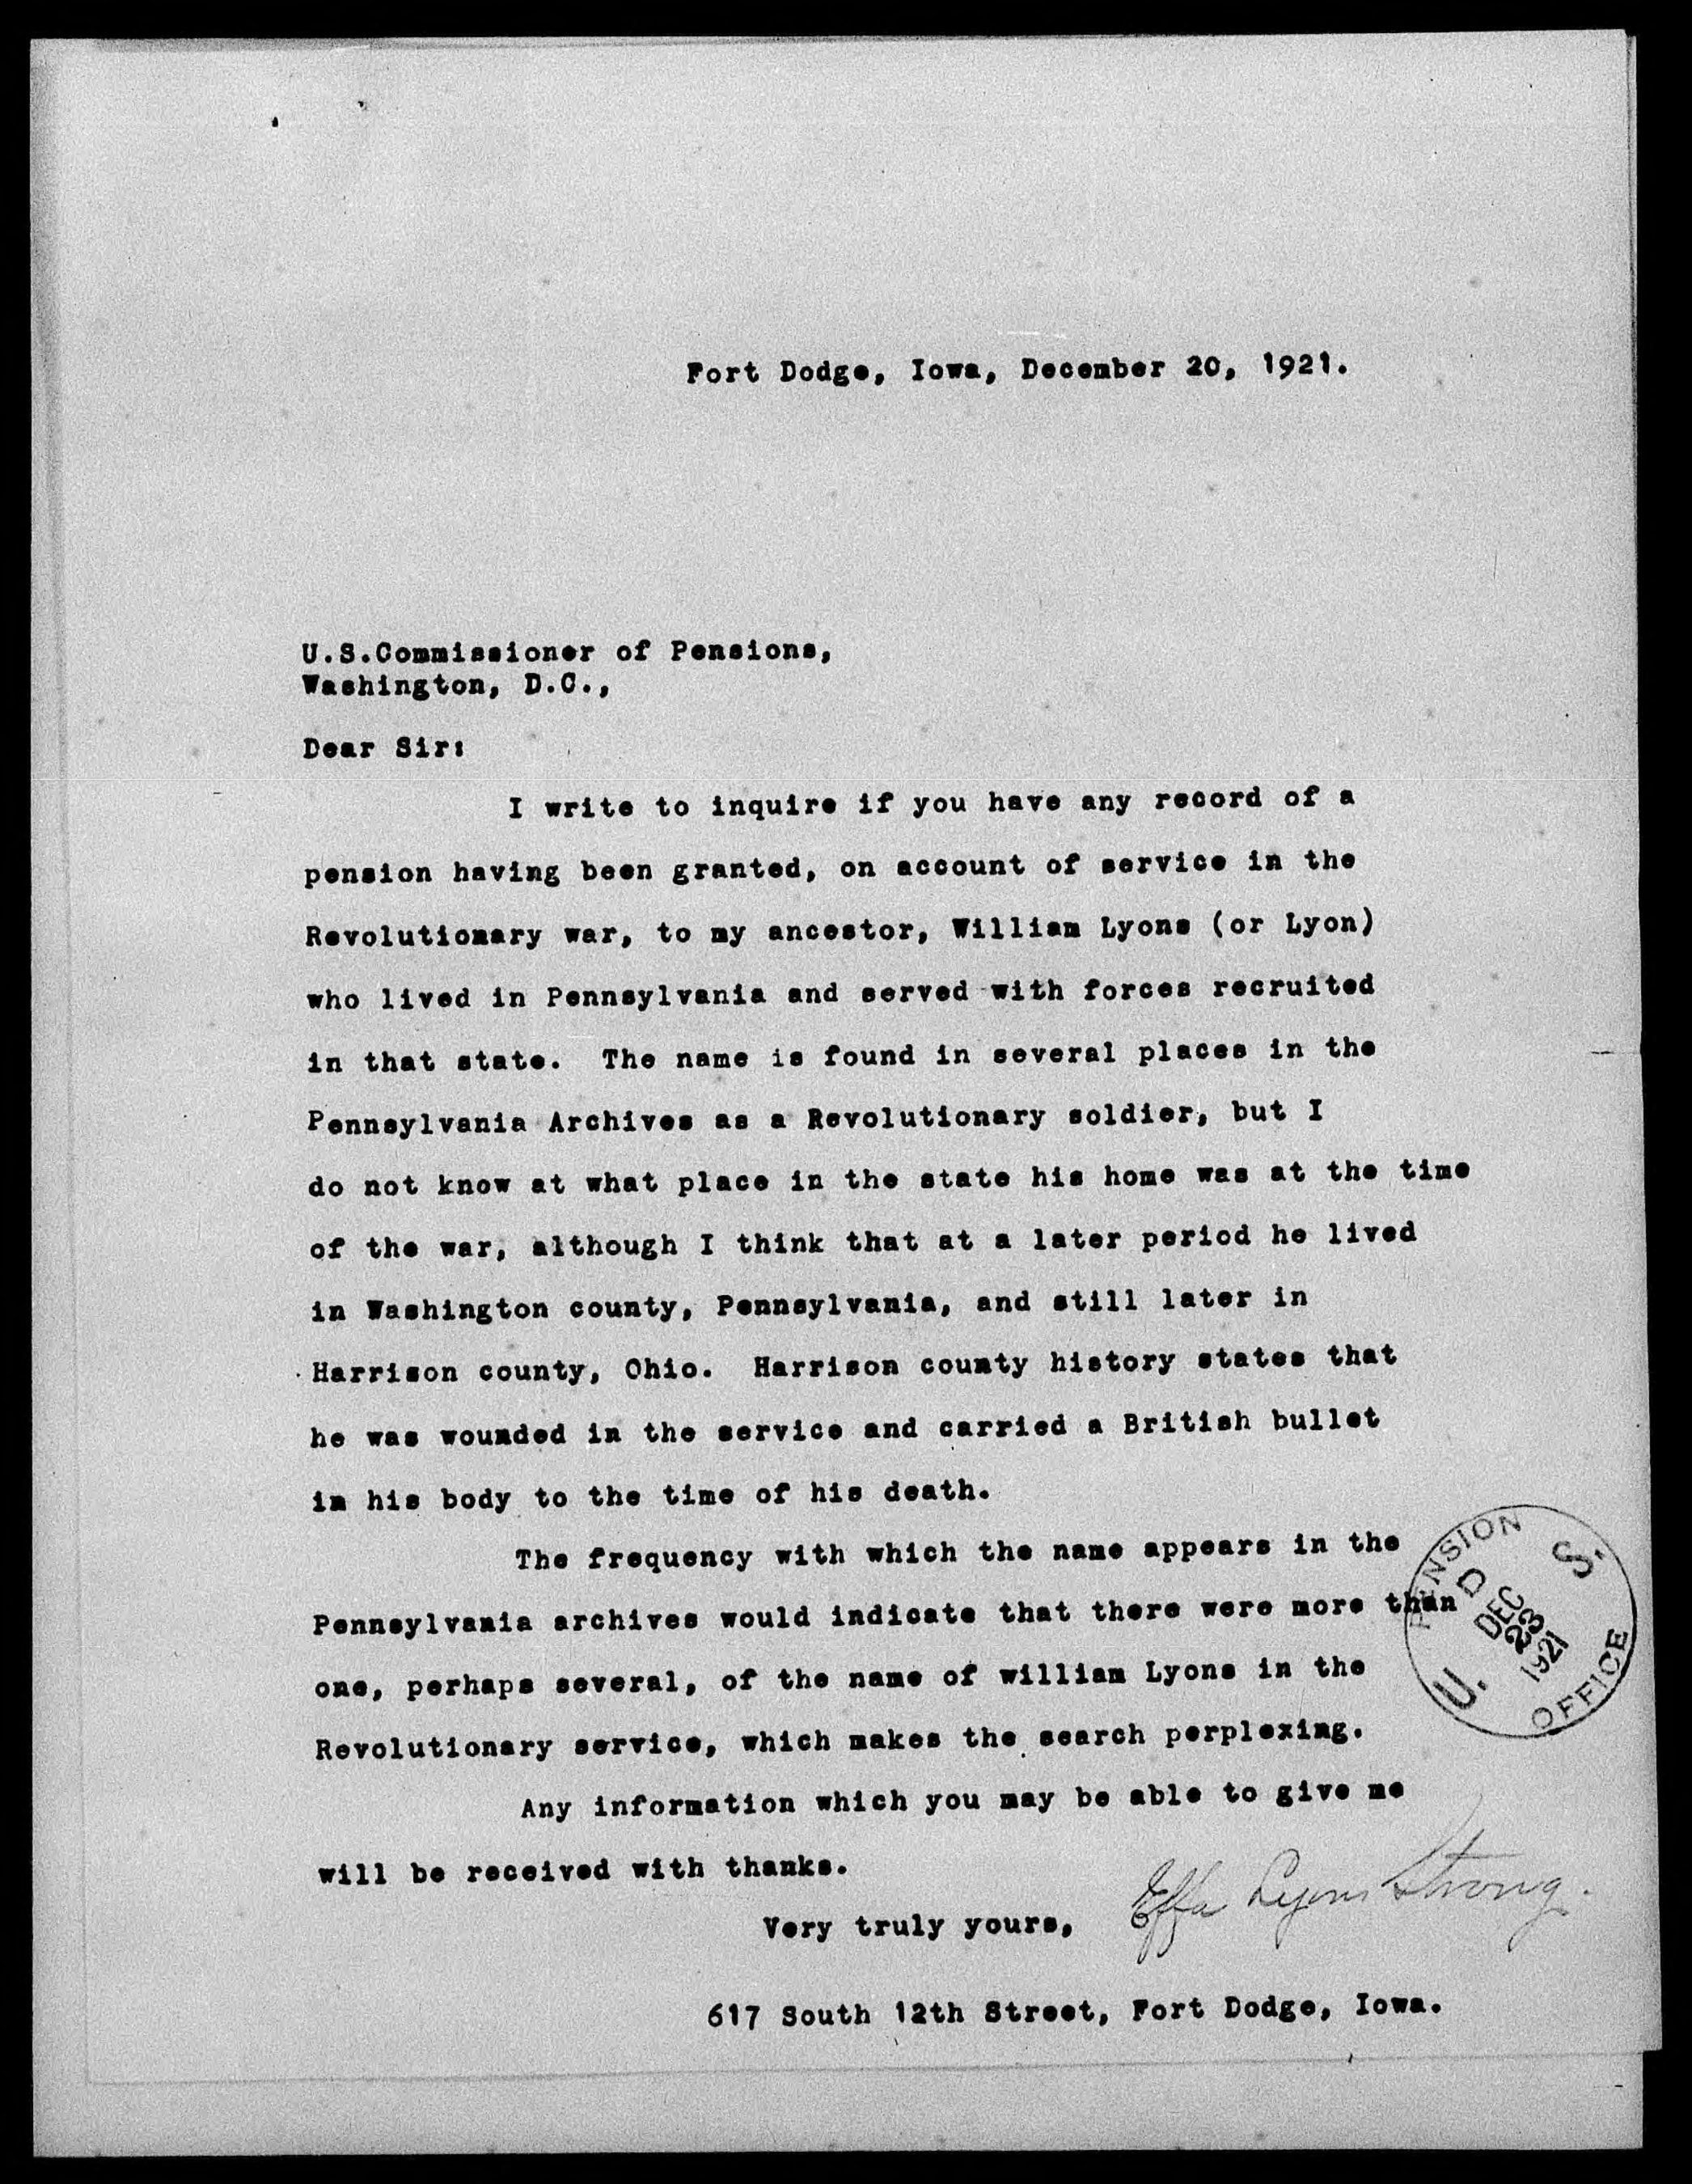Fort dodge, Iowa, December 20, 1921

U.S. commissioner of Pensions,
Washington, D.C.,

Dear Sir:
I write to inquire if you have any record of a pension having been granted, on account of service in the Revolutionary war, to my ancestor, William Lyons (or Lyon) who lived in Pennsylvania and served with forces recruited in that State. The name is found in several places in the Pennsylvania Archives as a Revolutionary soldier, but I do no know at what place in the State his home was a t the time of the war; although I think that at a later period he lived in Washington county, Pennsylvania, and still later in Harrison county, Ohio.  Harrison county history states that he was sounded in the service and carried a British bullet in his body to the time of death.
The frequency with which the name appears in the Pennsylvania archives would indicate that there were more than one, perhaps several, of the name of William Lyons in the Revolutionary service, which makes the search perplexing. 
Any information which you may be able to give me will be received with thanks.
Very truly yours, Effa Lynn Strong
617 South 12th Street, Fort Dodge, iowa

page: 26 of 41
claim: survivor's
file: S. 4585, for William Lyons, Pennsylvania